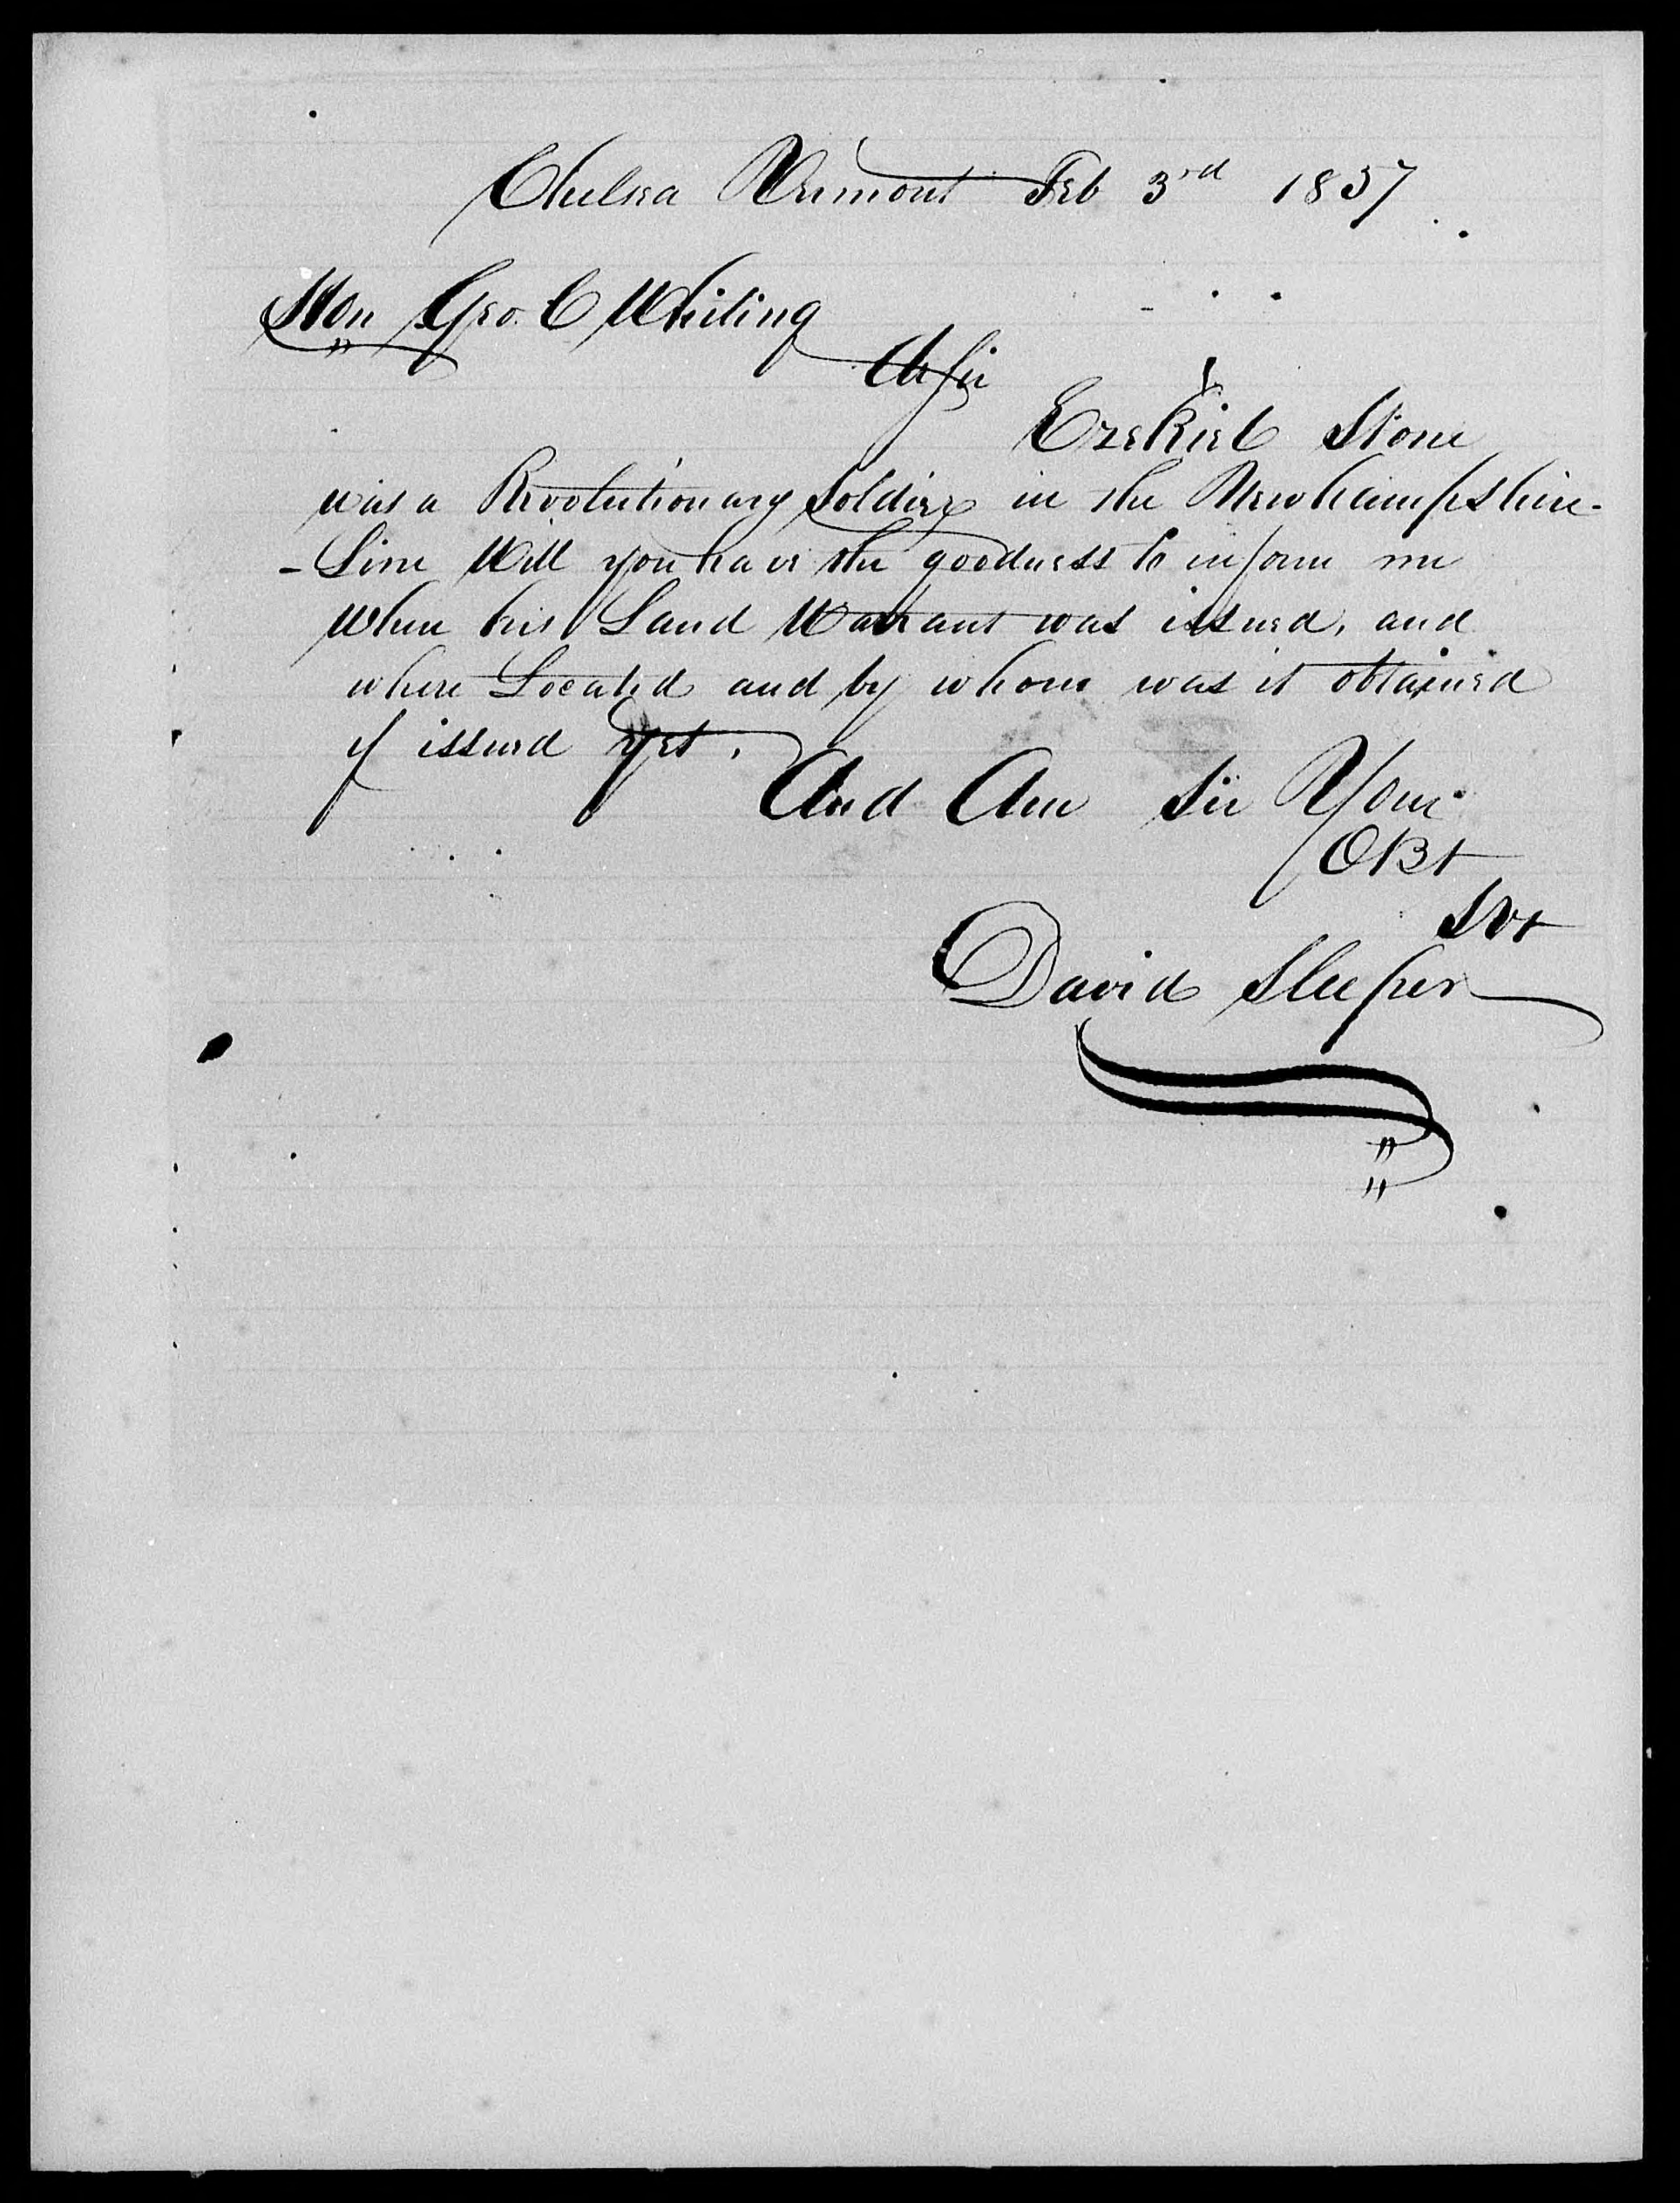Chelsea Vermont   Feb 3rd 1857

Hon Geo C Whiting

At Sir

Ezekiel Stone was a Revolutionary Soldier in the Newhampshire Line  Will you have the goodness to inform me when his Land Warrant was issued, and where Located and by whom was it obtained if issued yet.

And Am Sir Your
OBt
Svt
David Sleeper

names: David Sleeper; Ezekiel Stone; Geo C Whiting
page: 27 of 38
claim: survivor's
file: S. 43181, for Ezekiel Stone, New Hampshire